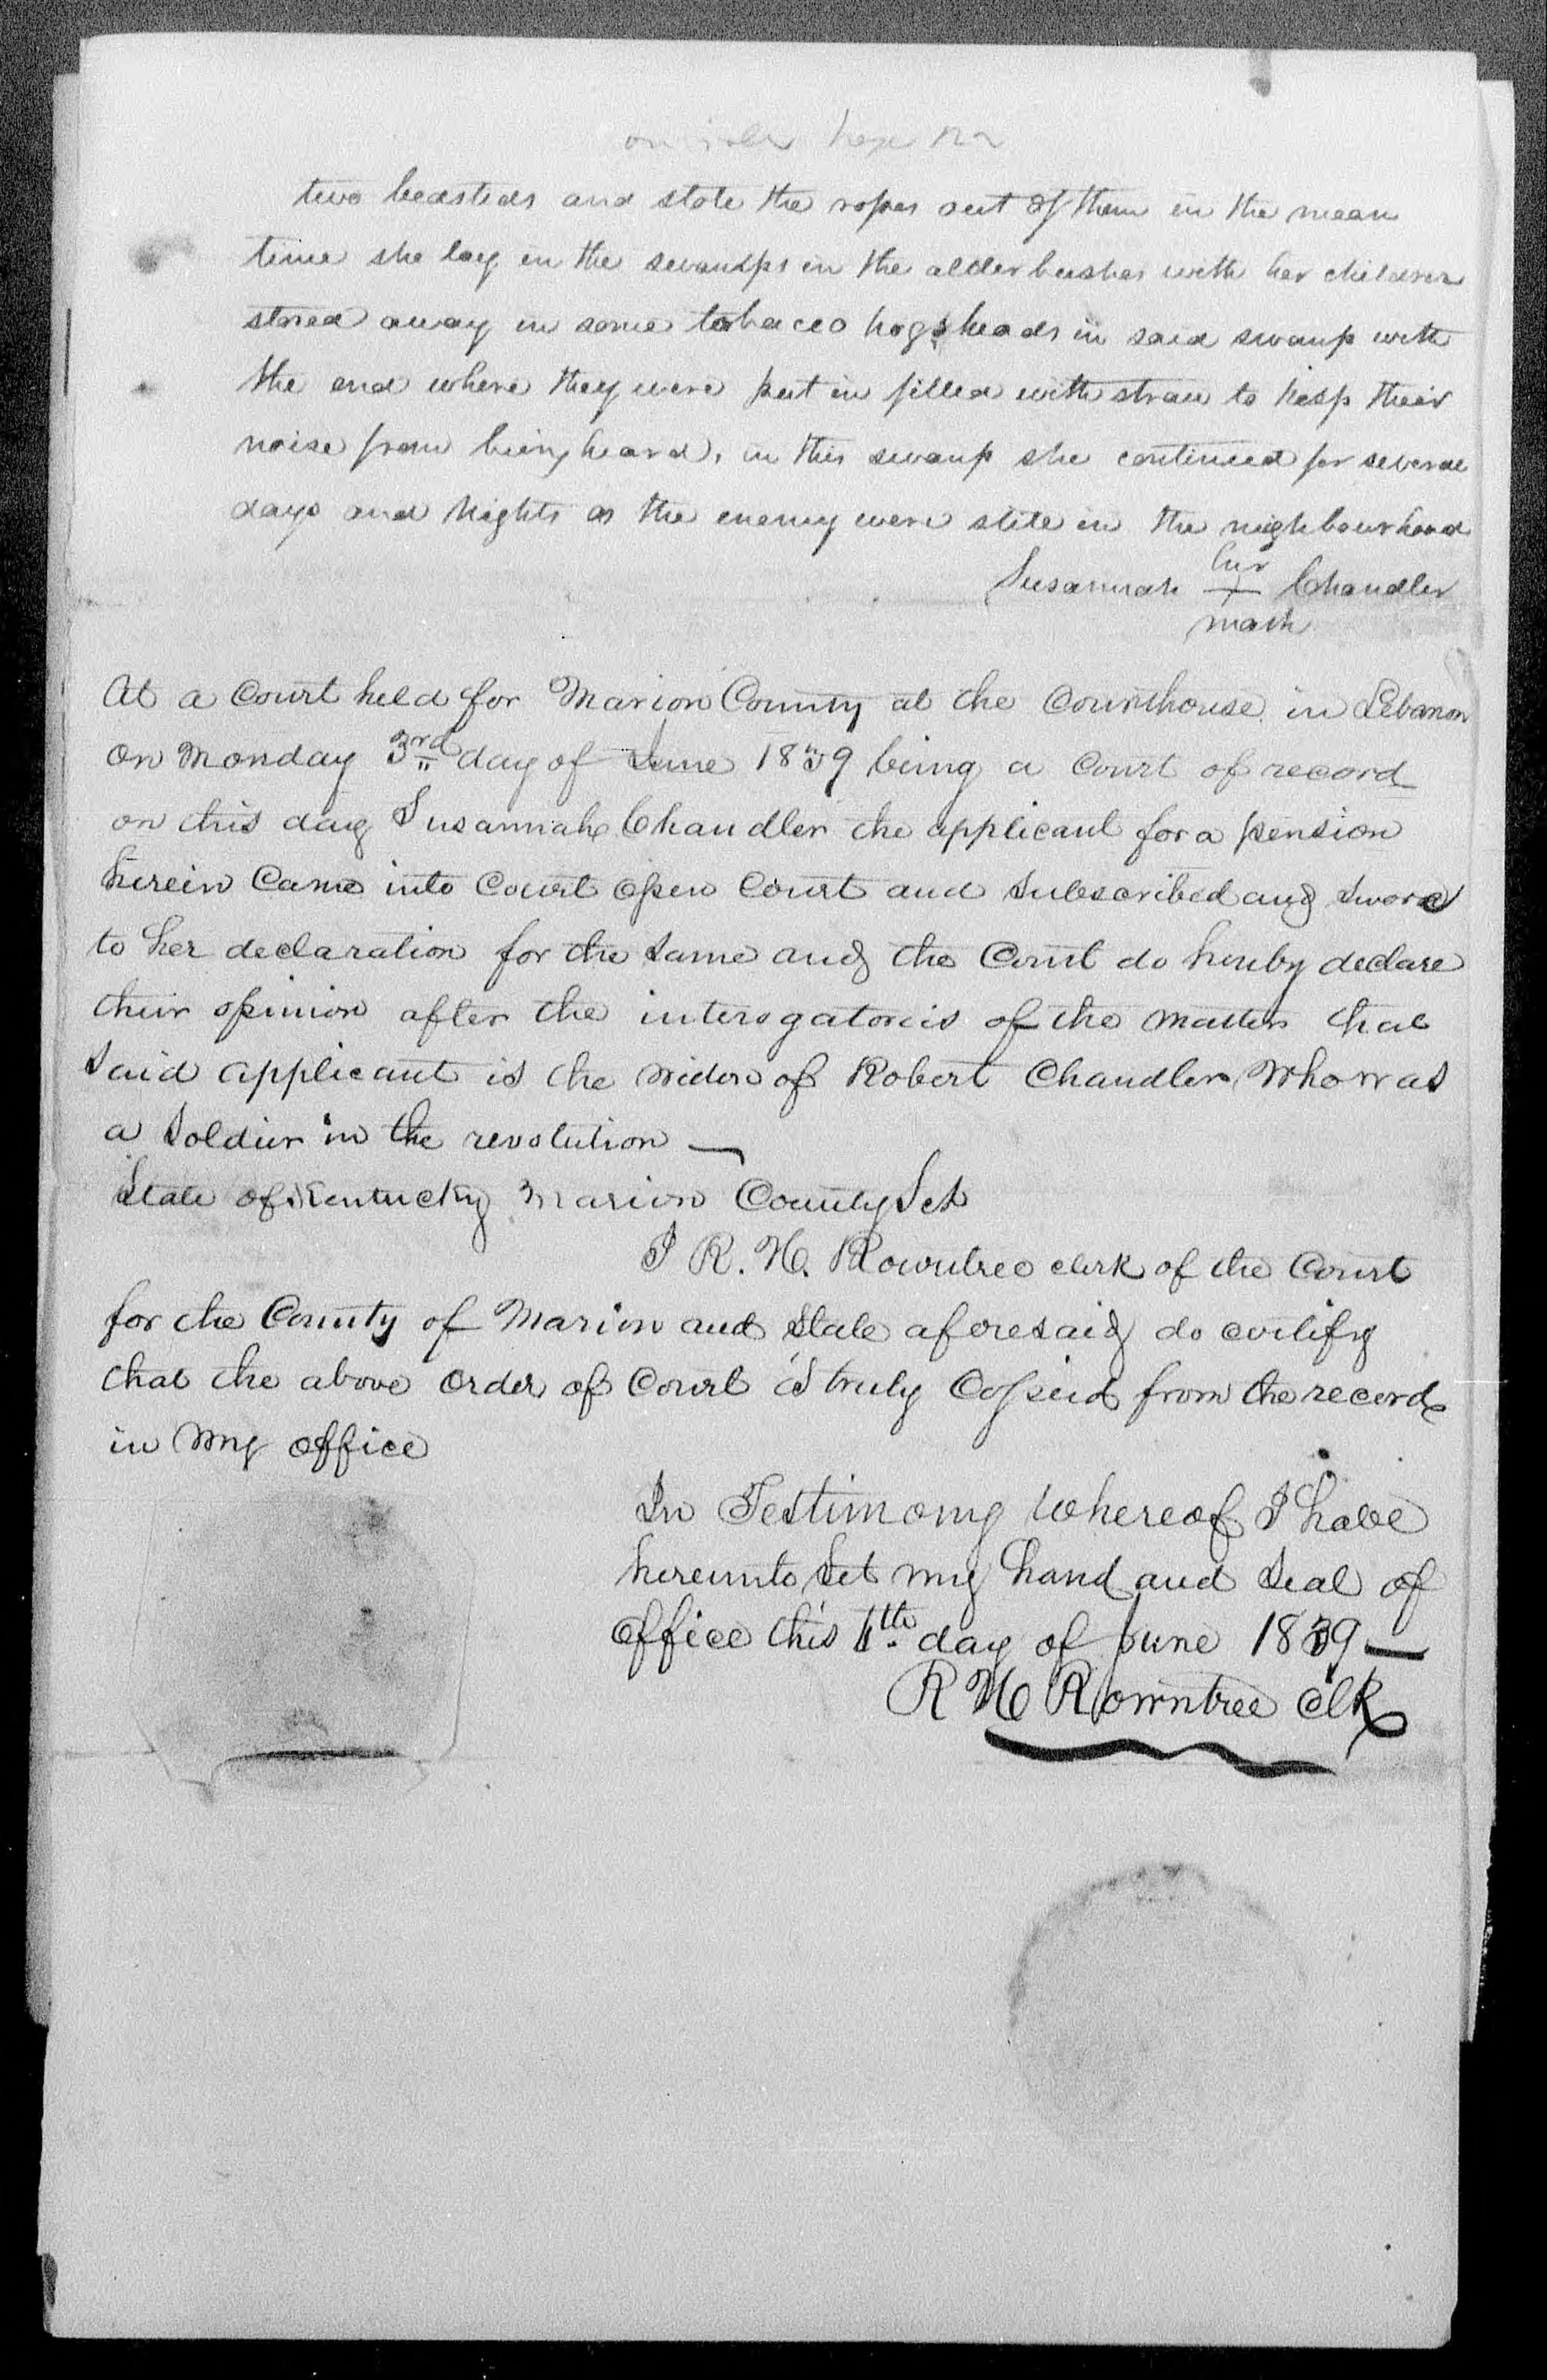two bedsteds and stole the ropes out of them,  in the mean time, she lay in the swamps in the alderbushes with her children stored away in some tobacco hogsheads in said swamp with the end where they were put in filled with straw to keep their noise from being heard, in this swamp, she continued for several days and nights as the enemy were still in the neighborhood.

			her
		Susannah   Chandler
                                          mark		

At a court held for Marion County at the Courthouse in Lebanon, on Monday 3rd day of June 1839, being a court of record on this day, Susannah Chandler, the applicant for a pension herein came into court open court and subscribed and swore to her declaration for the same and the court do hereby declare their opinion after the interrogatories of the matter, that said applicant is the widow of Robert Chandler, who was a soldier in the revolution. –

State of Kentucky,   Marion County (illegible)
		I, R.H. Rowntree, clerk of the court for the County of Marion and State aforesaid, do certify that the above order of court is truly issued from the records in my office.
										
		                  In testimony whereof, I have
			hereunto  set my hand and seal of the
			office this 6th day of June, 1839
		                          R.H. Rowntree, clerk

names: Robert Chandler, Susannah Chandler, Susannah Chandler, R H Rowntree, R H Rowntree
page: 5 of 12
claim: widow's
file: W. 8598, Robert Chandler, Va.